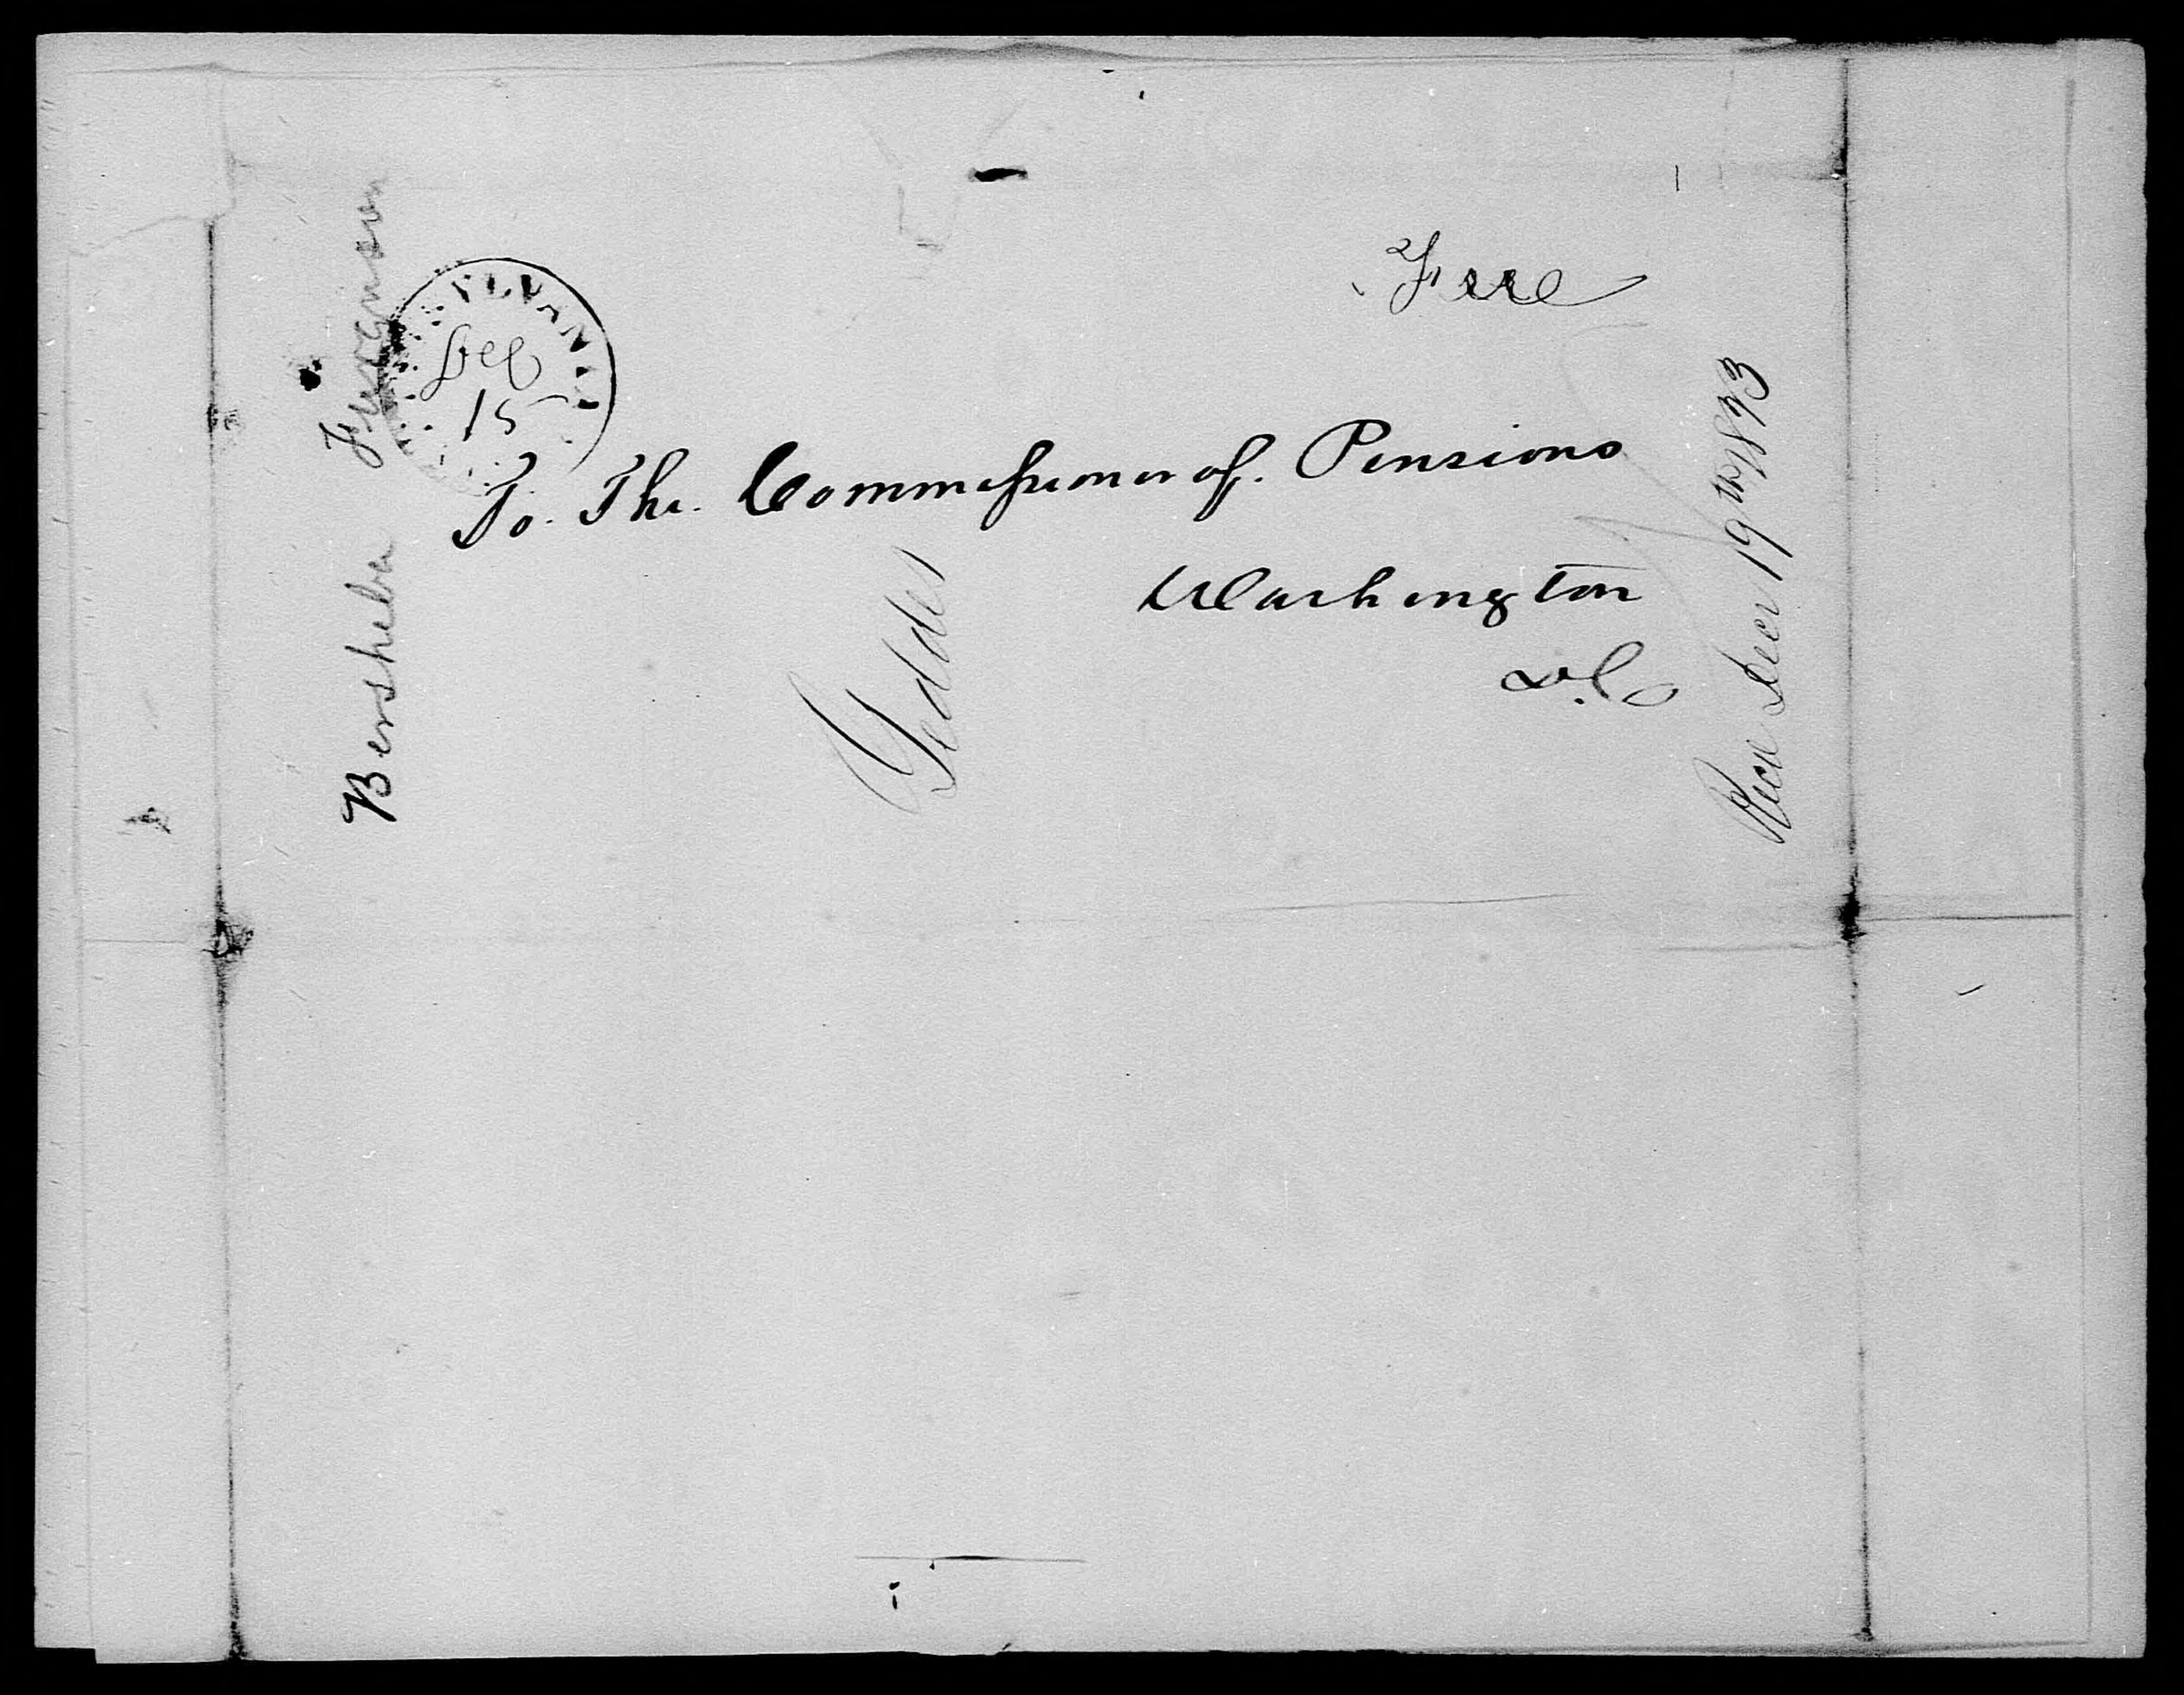[postmark] Pittsylvania Dec. [December]15
Free
Besheba Ferguson
To the Commissioner of Pensions
Washington DC
Geddes
Recd [received] Decr [December] 19th 1873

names: Bersheba Ferguson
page: 62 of 81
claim: widow's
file: W. 7262, Robert Ferguson, Va.